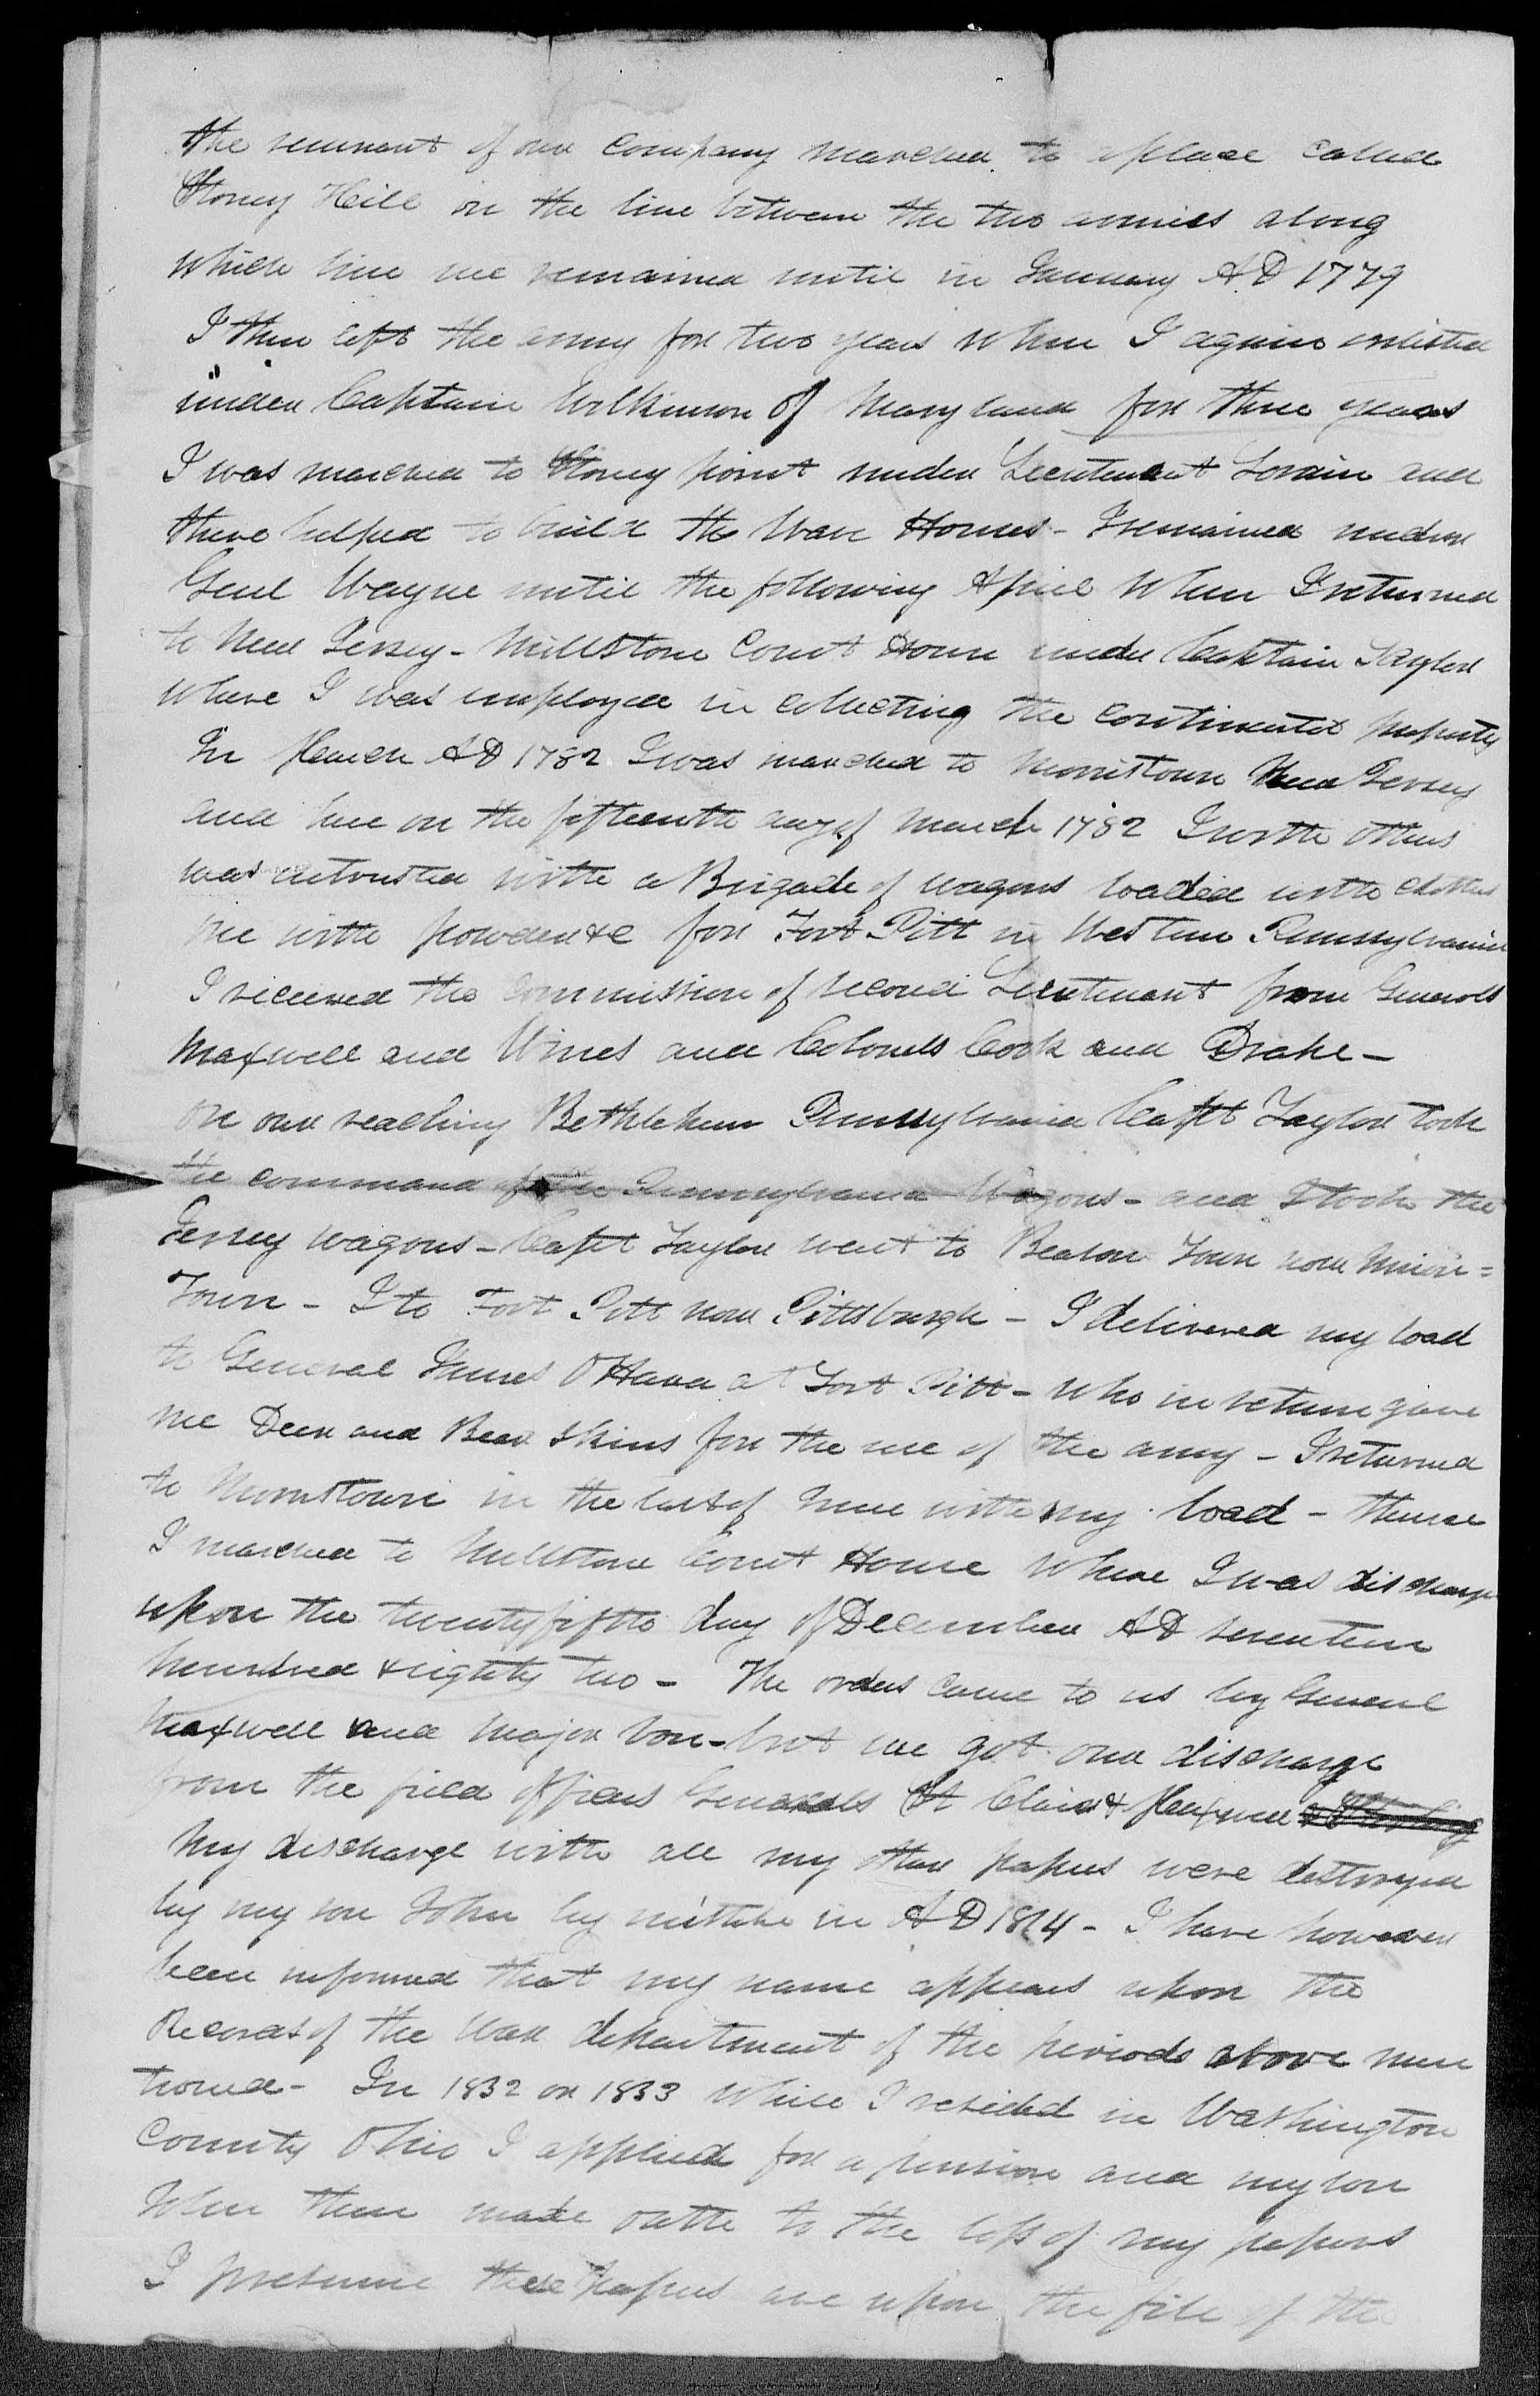the remnant of our company marched to a place called Stoney Hill on the line between the two armies along which line we remained until January AD 1779.  I then left the army for two years when I again enlisted under Captain Wilkinson of Maryland for three years.  I was marched to Stoney Point under Lieutenant Loran and then helped to build the War Houses.  I remained under General Wayne until the following April when I returned to New Jersey Millstone Court House under Captain Taylor where I was employed in collecting the continental property.  In year in A.D. 1782 I was marched to Morristown New Jersey and here on the fifteenth day of March 1782 I with others were entrusted with a Brigade of wagons loaded with clothes we were provided &c. for Fort Pitt in Western Pennsylvania.  I received the Commission of Second Lieutenant from General Maxwell and Wines and Colonels Cook and Drake.  On our reaching Bethlehem Pennsylvania Capt Taylor took the command of the Pennsylvania wagons and I took the Jersey wagons.  Capt. Taylor went to Beaton Town now Union Town.  I to Fort Pitt now Pittsburgh.  I delivered my load to General James O Hara at Fort Pitt - who in return gave me deer and beaver skins for the use of the army.  I returned to Morristown in the last of June with my load.  Thence I marched to Millstone Court House where I was discharged upon the twenty fifth day of December A.D. seventeen hundred & eight two.  The orders came to us by General Maxwell and Major VonAnt we got our discharge from the field officers Generals St Clair & Maxwell.  My discharge with all my other papers were destroyed by my son John by mistake in AD 1814. I have however been informed that my name appears upon the record of the war department of the periods above mentioned.  In 1832 or1833 while I resided in Washington County this, I applied for a pension and my son John then made oath to the loss of my papers. I presume these papers are within the file of the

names: Maxwell, Wines, Taylor, James O Hara, Maxwell, John, Maxwell, Drakeon, Lorain, Taylor, Claire, Cook, Wayne, Taylor, John, Wilkinson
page: 25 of 35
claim: rejected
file: R. 2066, William Clutter, New Jersey